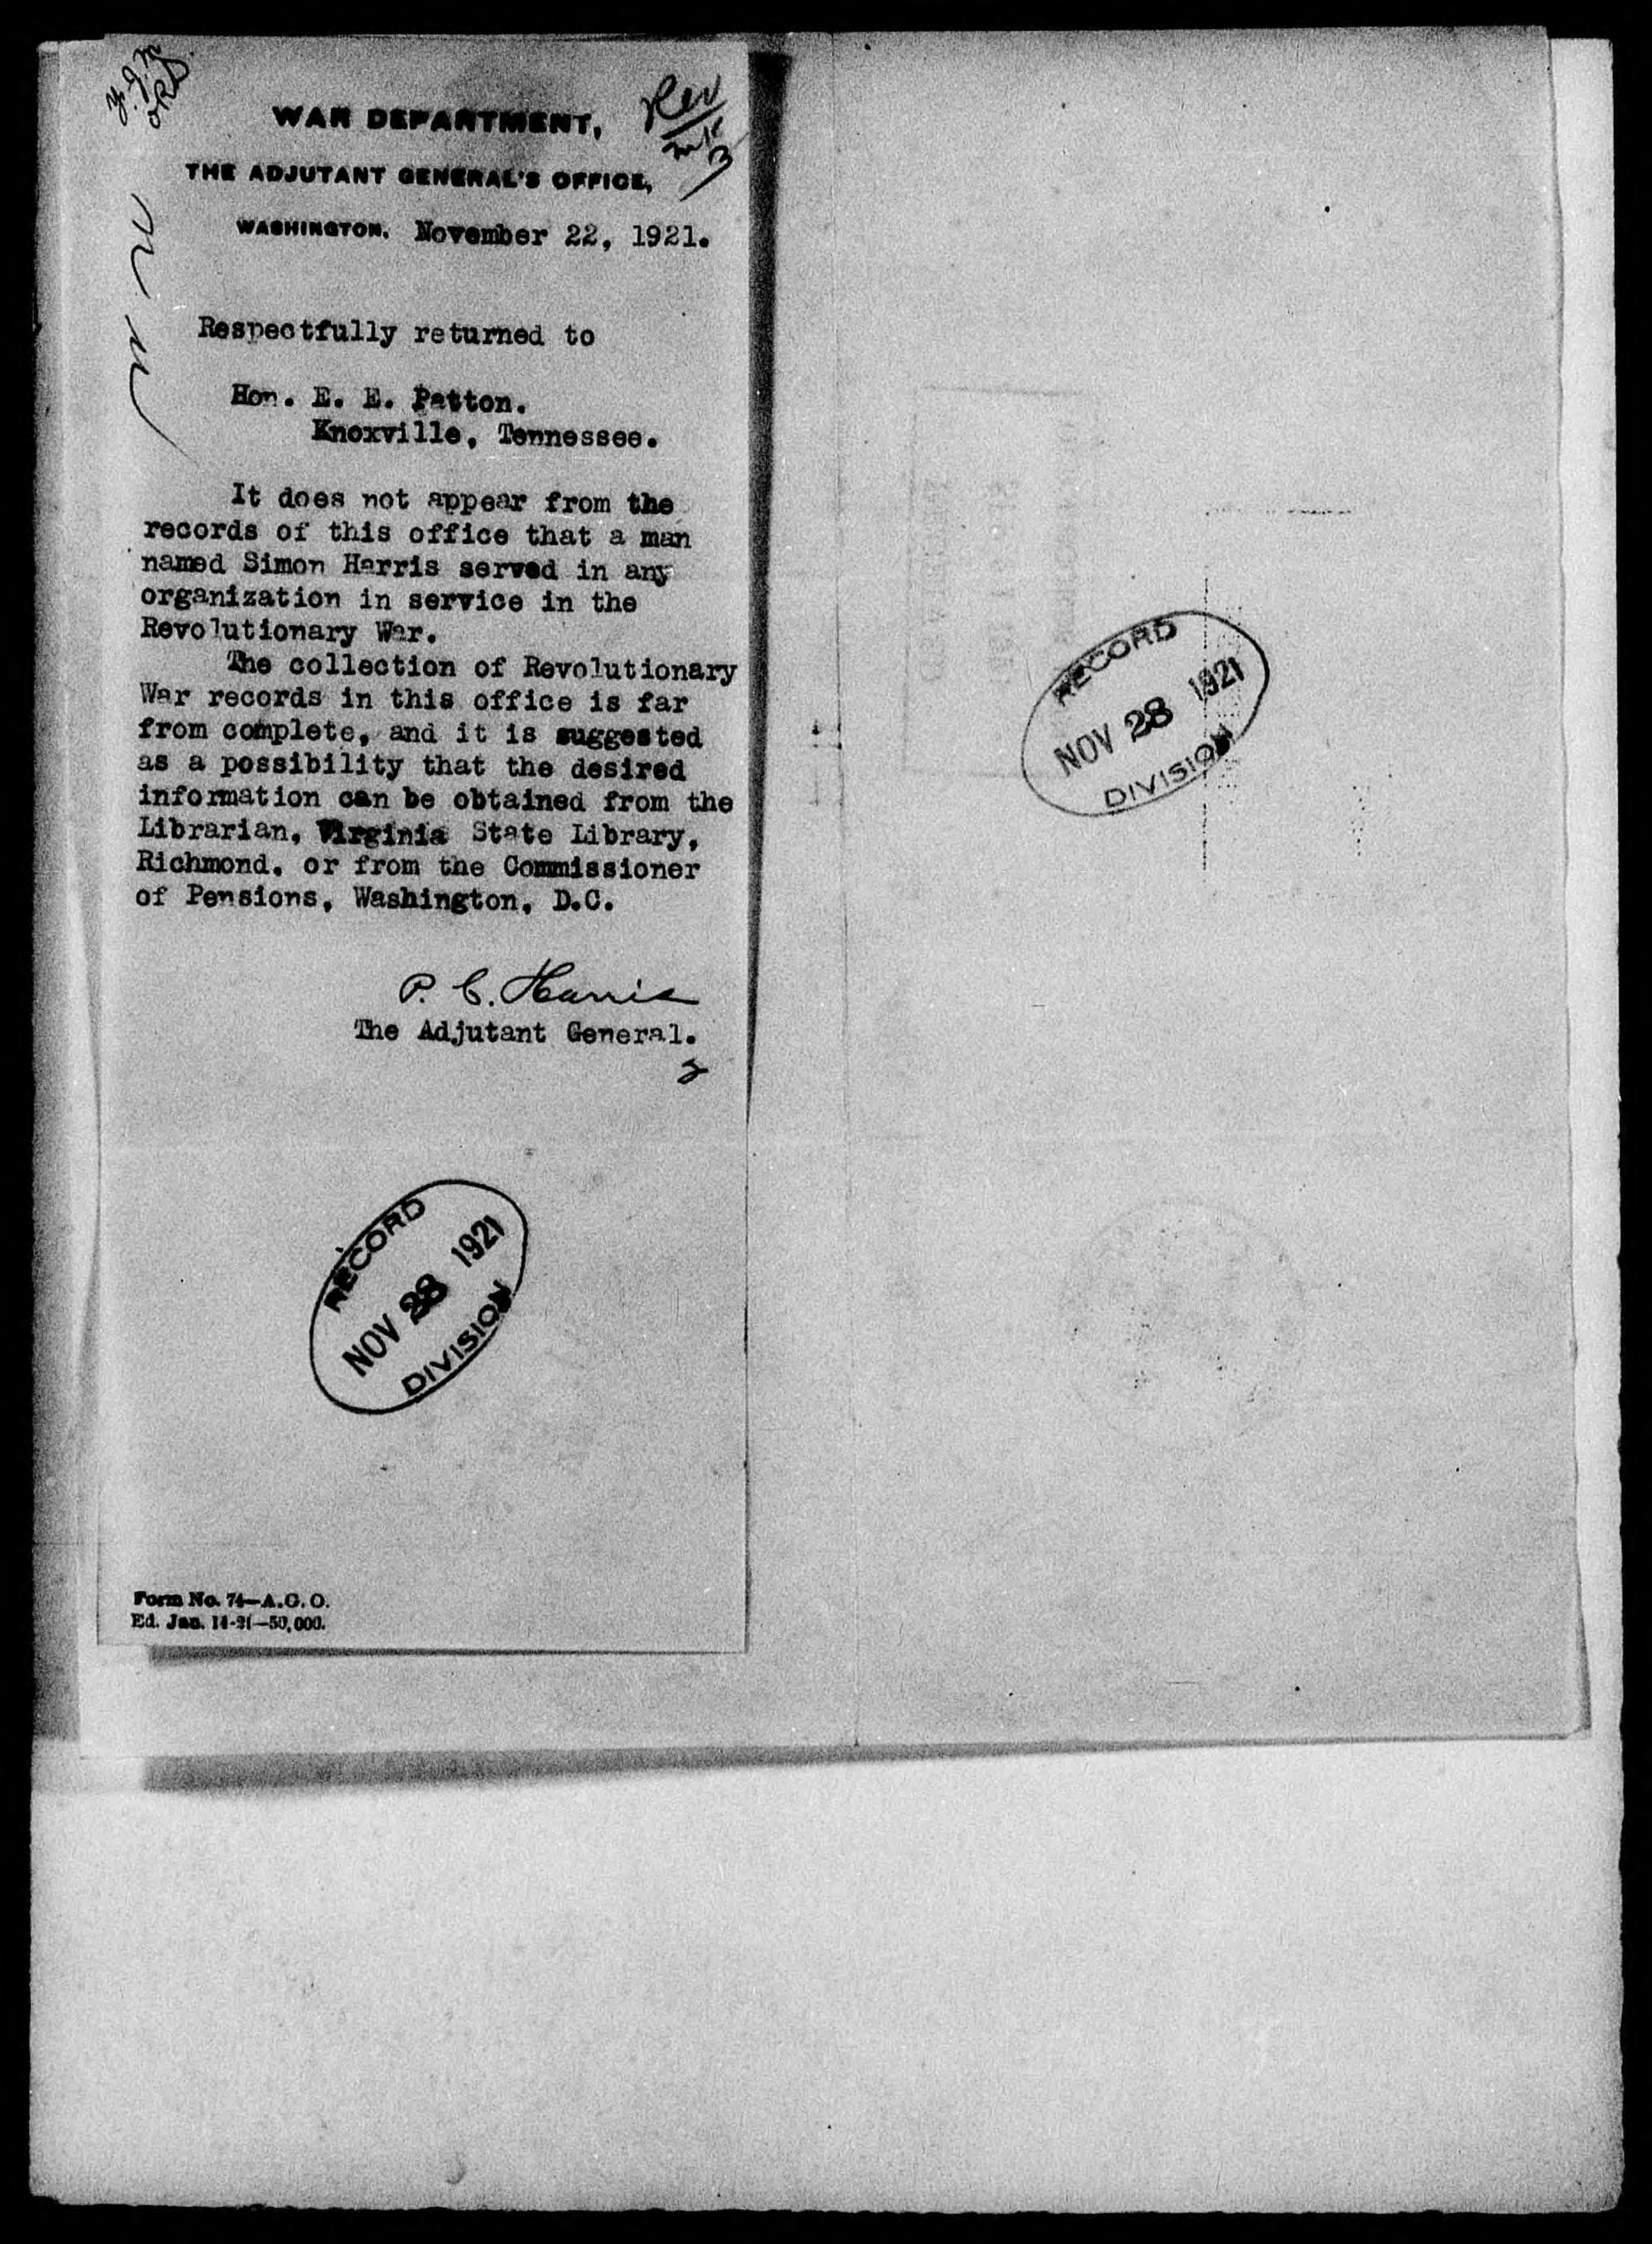WAR DEPARTMENT,
THE ADJUTANT GENERAL'S OFFICE,
WASHINGTON, November 22 1921.

Respectfully returned to

Hon. E. E. Patton.
Knoxville, Tennessee.

It does not appear from the records of this office that a man named Simon Harris served in any organization in service in the Revolutionary War. 

The collection of Revolutionary War records in this office is far from complete, and it is suggested as a possibility that the desired information can be obtained from the Librarian, Virginia State Library, Richmond, or from the Commissioner of Pensions, Washington, D.C.

P. C. Harris
The Adjutant General.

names: E E Patton, Simon Harris, P C Harris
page: 18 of 24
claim: rejected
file: R. 4684, Simon Harris, Va.